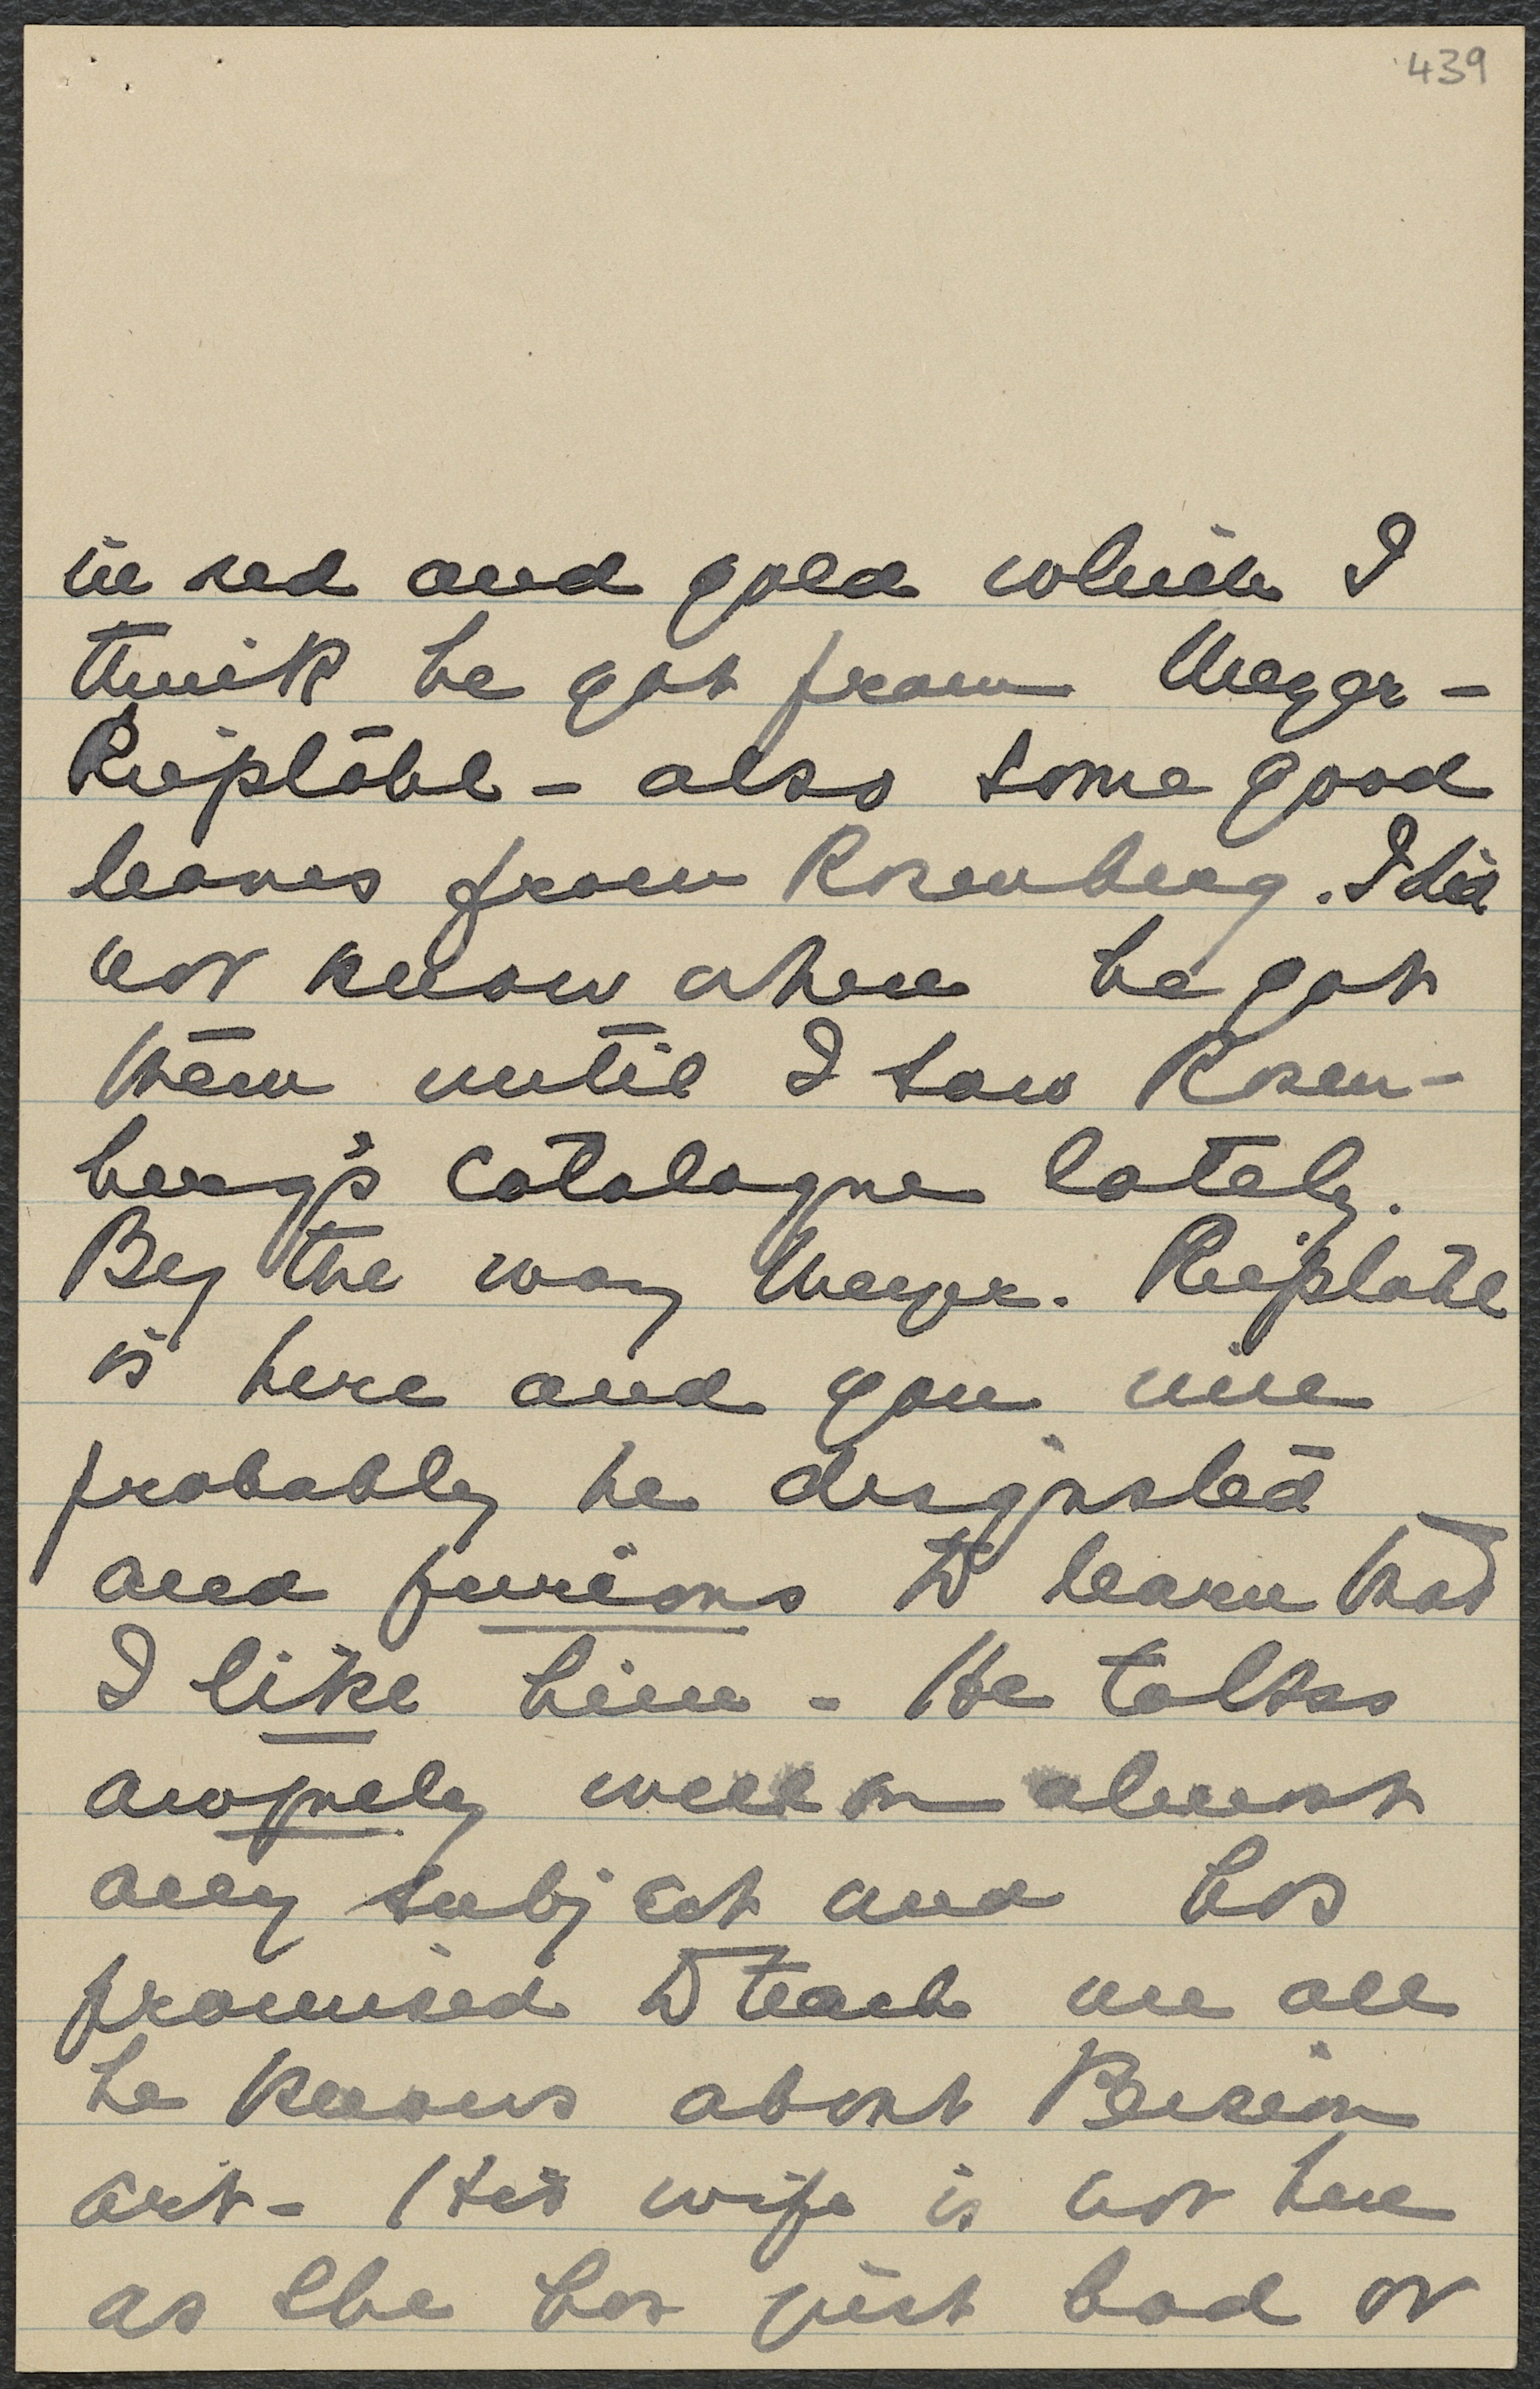in red and gold which I think he got from Meyer-Riefstahl – also some good leaves from Rosenberg. I did not know where he got them until I saw Rosenberg’s catalogue lately. By the way Meyer-Riefstahl is here and you will probably be disgusted and furious to learn that I like him – He talks awfully well on almost any subject and has promised to teach me all he knows about Persian art – His wife is not here as she has just had or